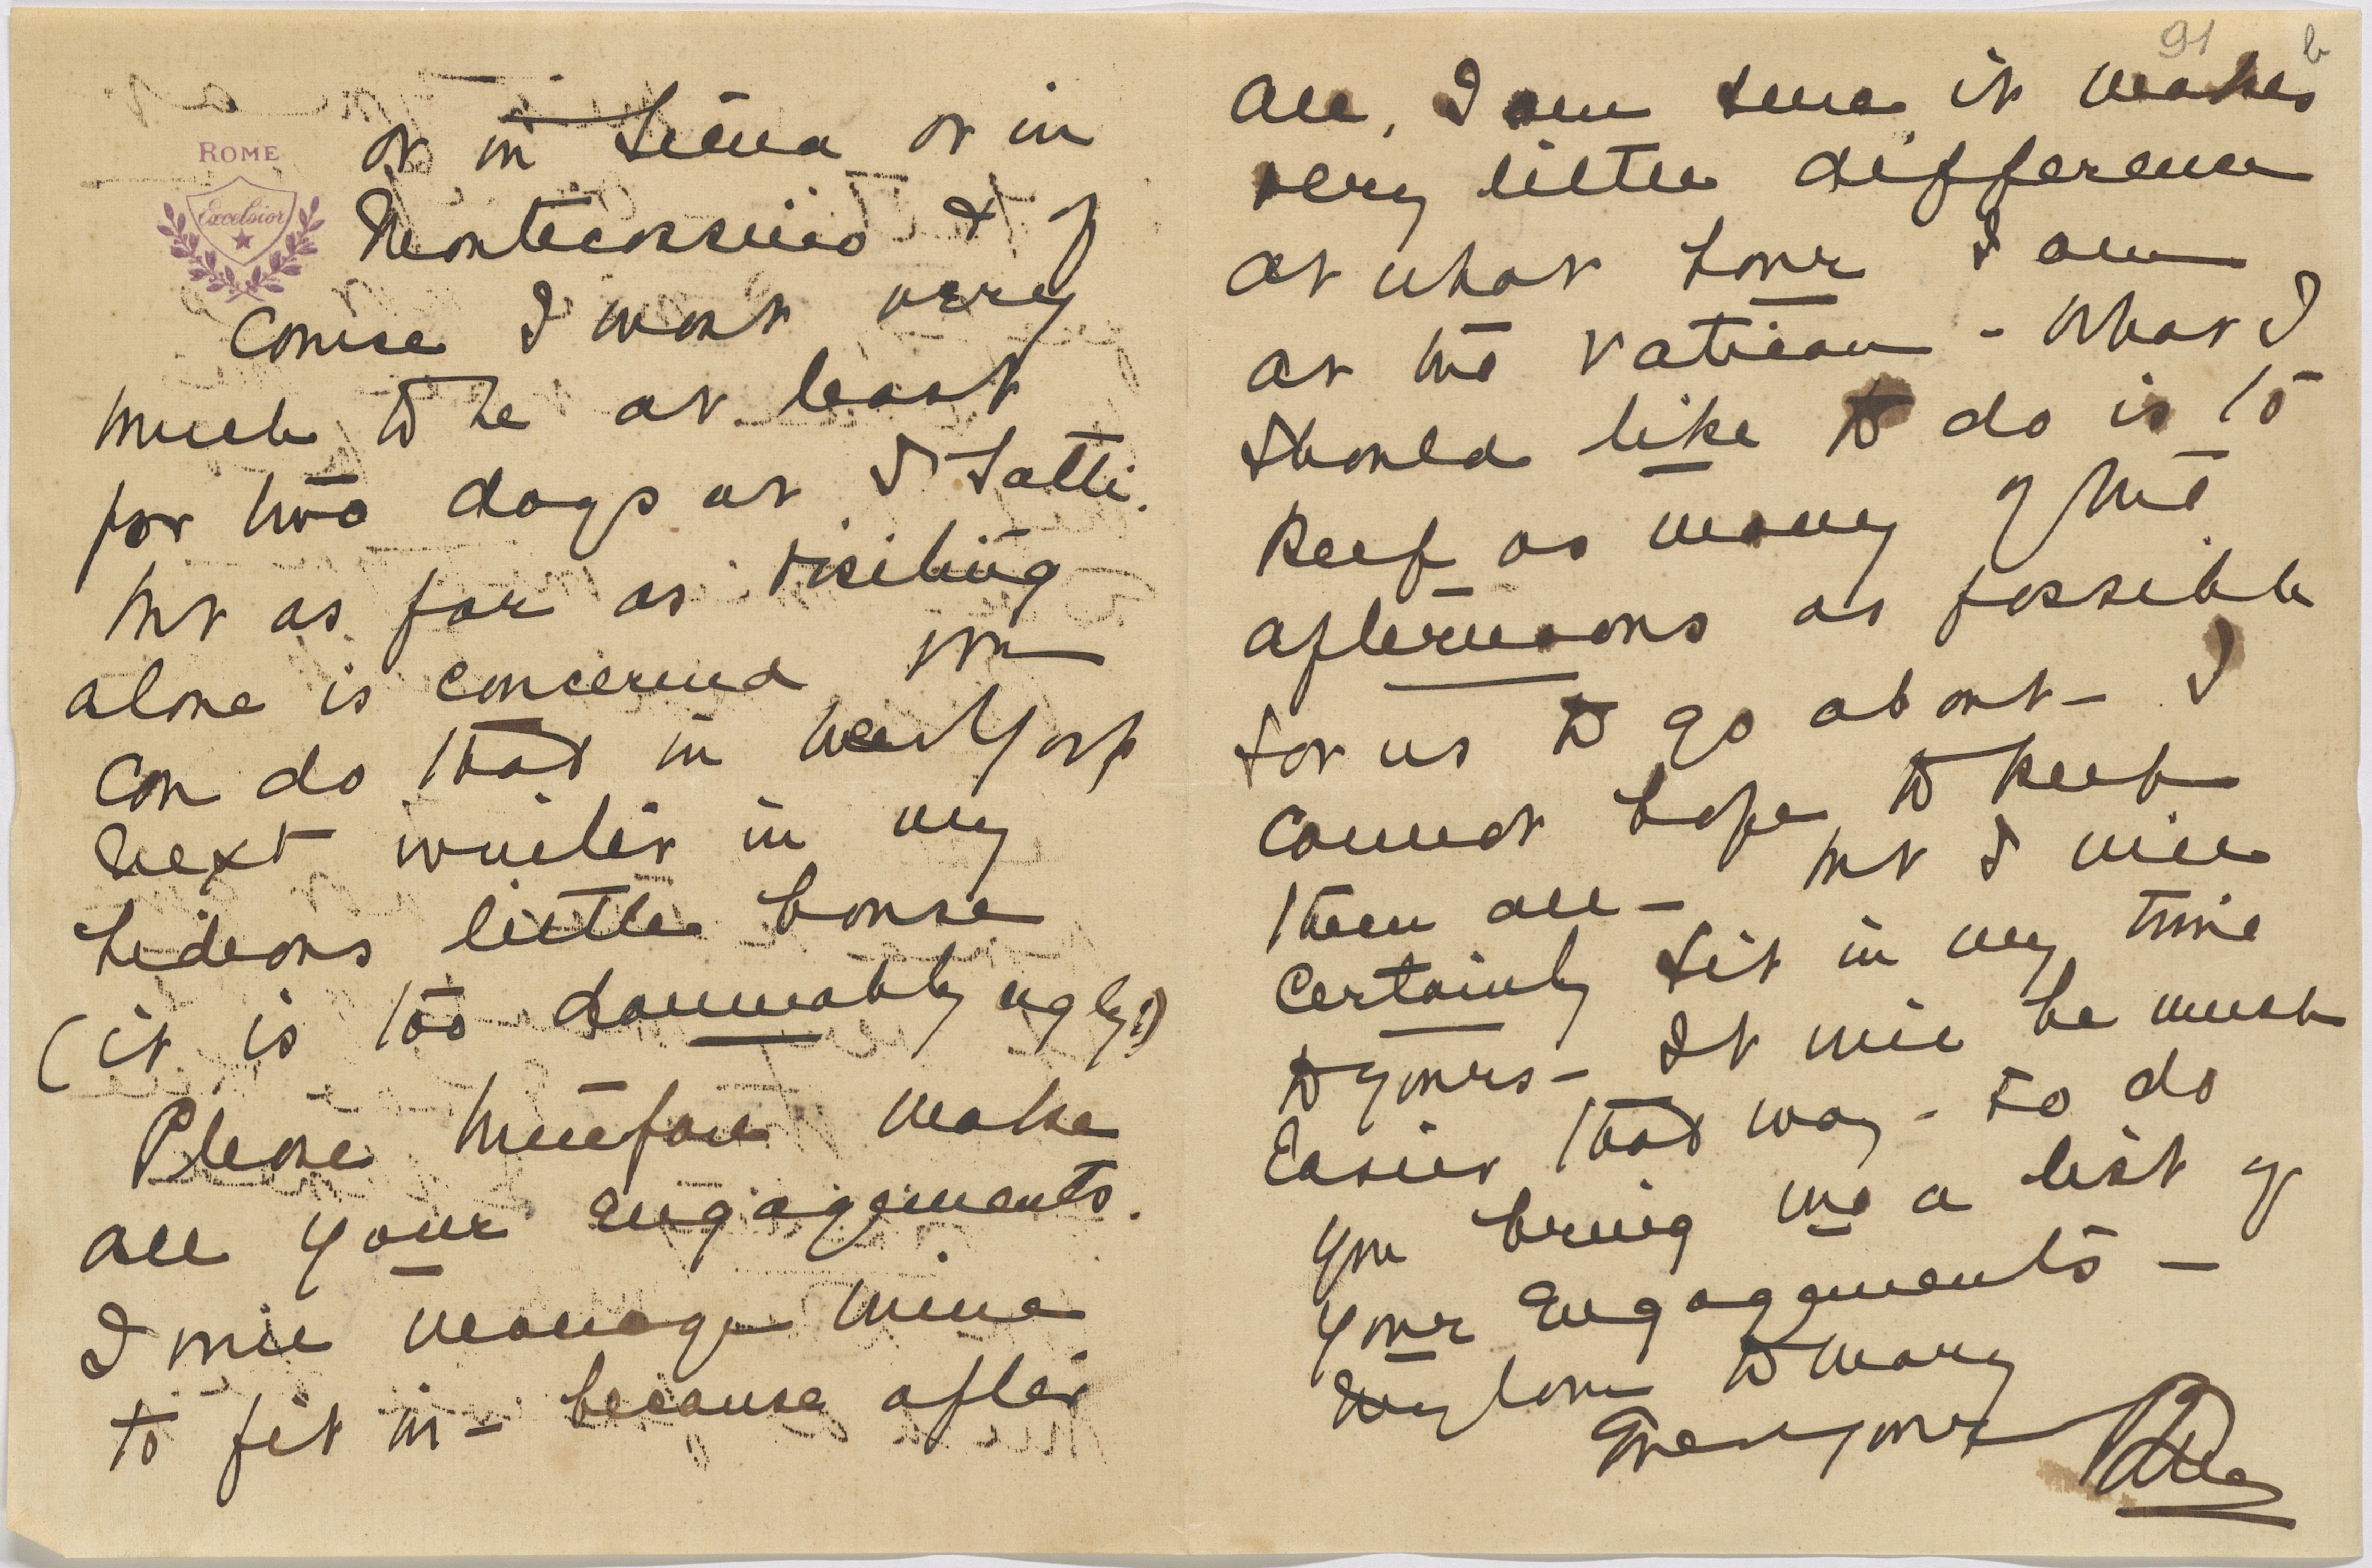or in Siena or in Montecassino [sic] & of course I want very much to be at least for two days at I Tatti. but as far as visiting alone is concerned We can do that in New York next winter in my hideous little house (it is too damnably ugly!)
Please therefore make all your engagements. I will manage mine to fit in – because after
all, I am sure it makes very little difference at what hour I am at the Vatican – What I should like to do is to keep as many of the afternoons as possible for us to go about – I cannot hope to keep them all – but I will certainly fit in my time to yours – It will be much easier that way – so do you bring me a list of your engagements –
My love to Mary
Ever Yours
Belle